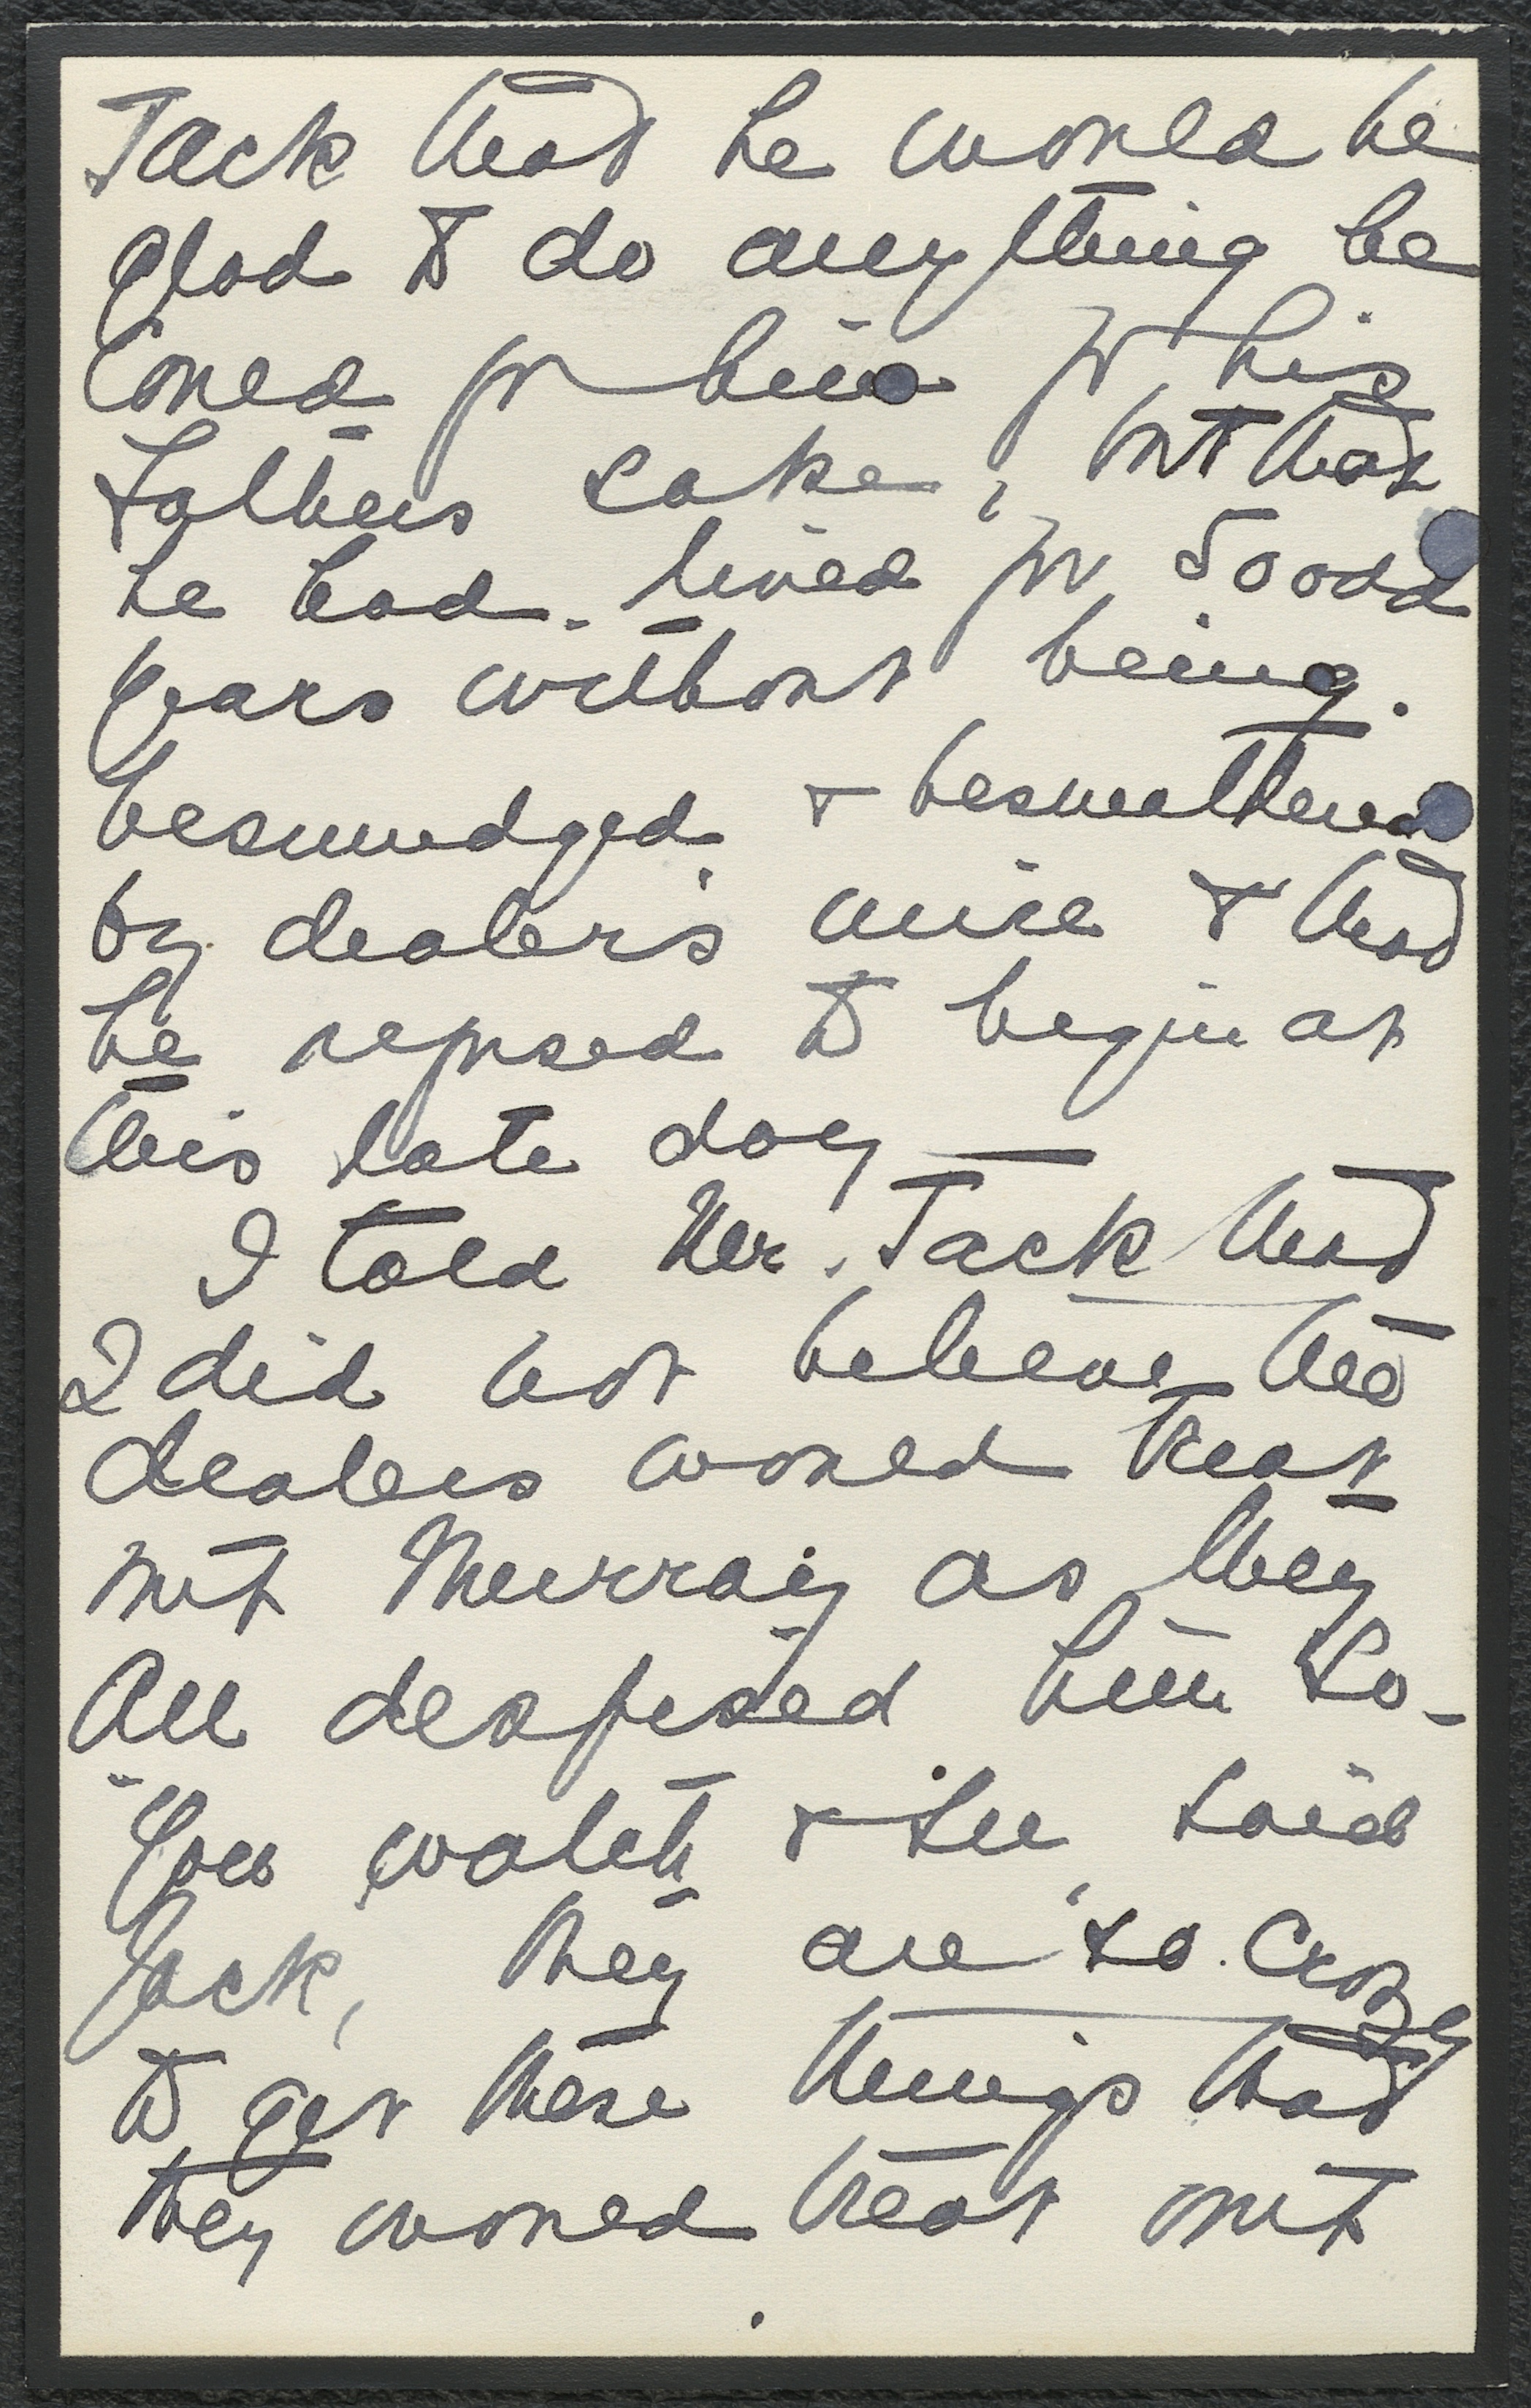Jack that he would be glad to do anything he could for him for his Fathers sake, but that he had lived for 50 odd years without being besmudged & besmothered by dealer’s vice & that he refused to begin at this late day –
I told Mr. Jack that I did not believe the dealers would treat with Murray as they all despised him so – “You watch & see said Jack, they are so crazy to get these things that they would treat with